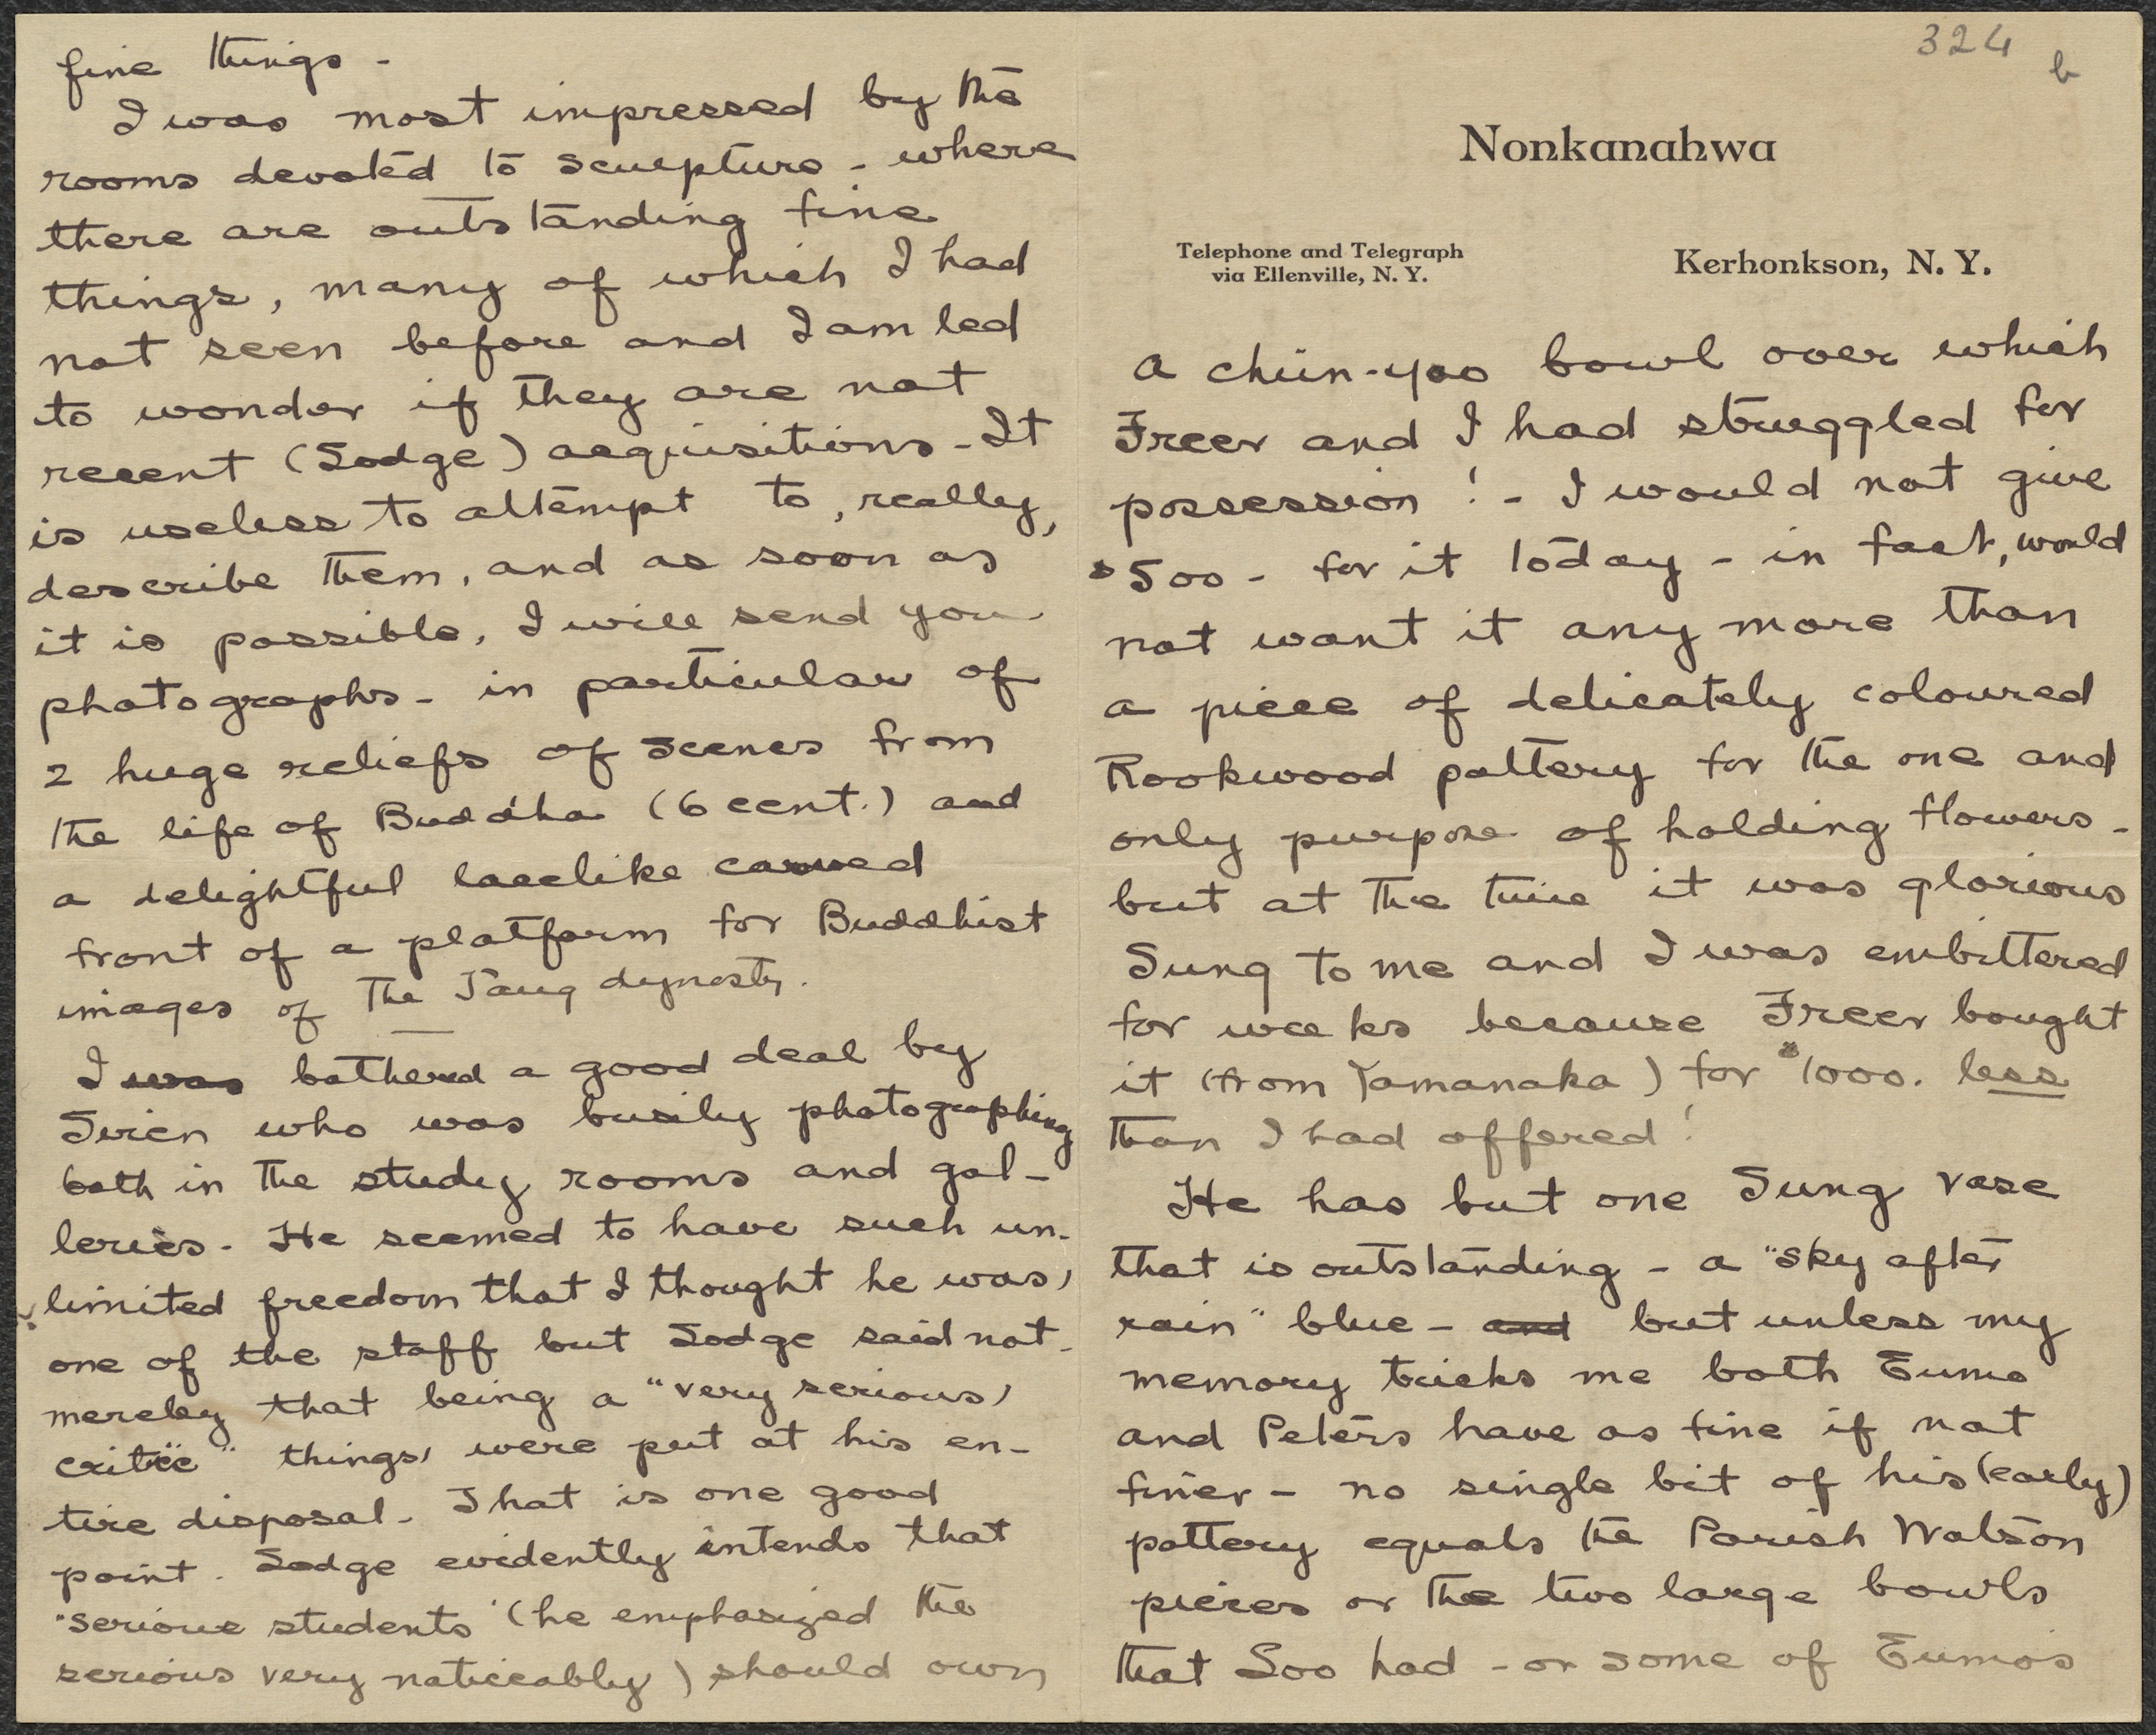A chün-yao bowl over which Freer and I had struggled for possession! – I would not give $500 –for it today – in fact, would not want it any more than a piece of delicately coloured Rookwood pottery for the one and only purpose of holding flowers – but at the time it was glorious
Sung to me and I was embittered for weeks because Freer bought it (from Yamanaka) for $1000. less than I had offered!
He has but one Sung vase that is outstanding – a “sky after rain” blue – and but unless my memory tricks me both Eumo and Peters have as fine if not finer – no single bit of his (early) pottery equals the Parish Watson pieces or the two large bowls that Loo had – or some of Eumo's
fine things.
I was most impressed by the rooms devoted to sculpture – where there are outstanding fine things, many of which I had not seen before and I am led to wonder if they are not recent (Lodge) acquisitions – It is useless to attempt to, really, describe them, and as soon as it is possible, I will send you photographs – in particular of 2 huge reliefs of scenes from the life of Buddha (6 cent.) and a delightful lacelike carved front of a platform for Buddhist images of the Tang dynasty.
I was bothered a good deal by Siren who was busily photographing both in the study rooms and galleries. He seemed to have such unlimited freedom that I thought he was one of the staff but Lodge said not merely that being a “very serious critic” things were put at his entire disposal – That is one good point. Lodge evidently intends that “serious students” (he emphasized the serious very noticeably) should own